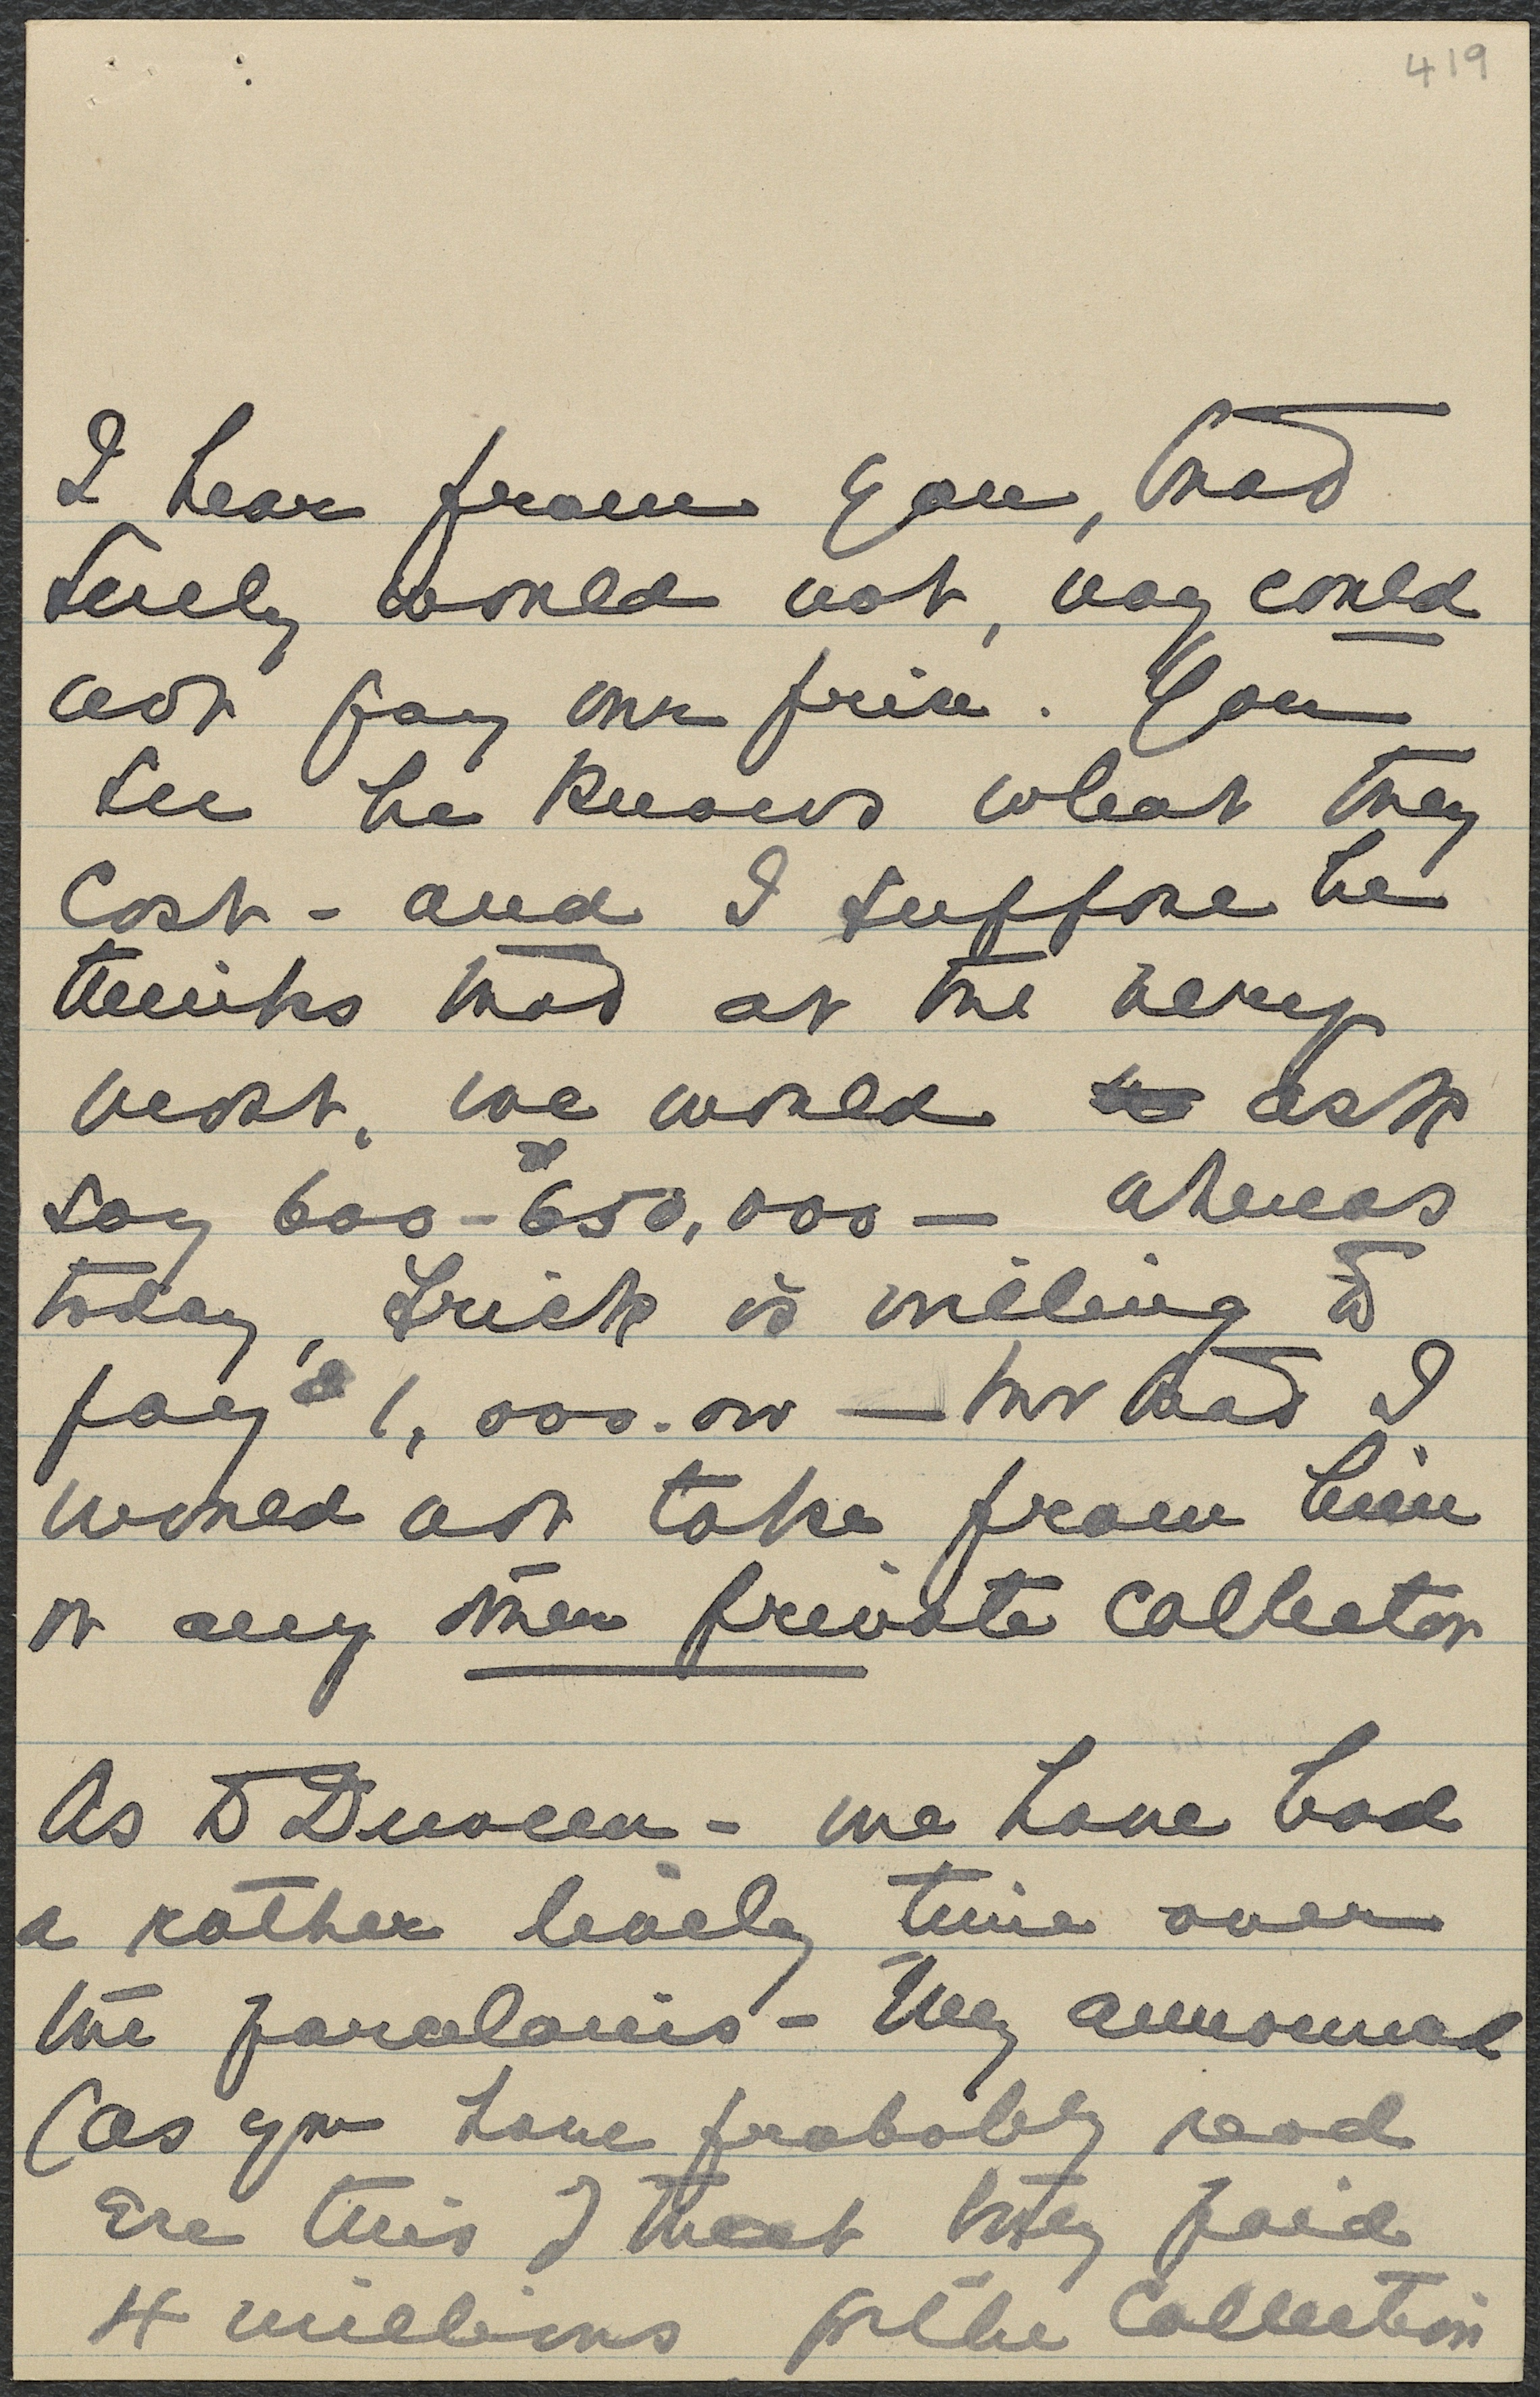I hear from you, that Sully would not, nay could not pay our price. You see he knows what they cost – and I suppose he thinks that at the very least, we would a ask say 600-$650,000 – whereas today, Frick is willing to pay $1,000,000 – but that I would not take from him or any other private collector
As to Duveen – we have had a rather lively time over the porcelains – They announced (as you have probably read ere this) that they paid 4 millions for the collection